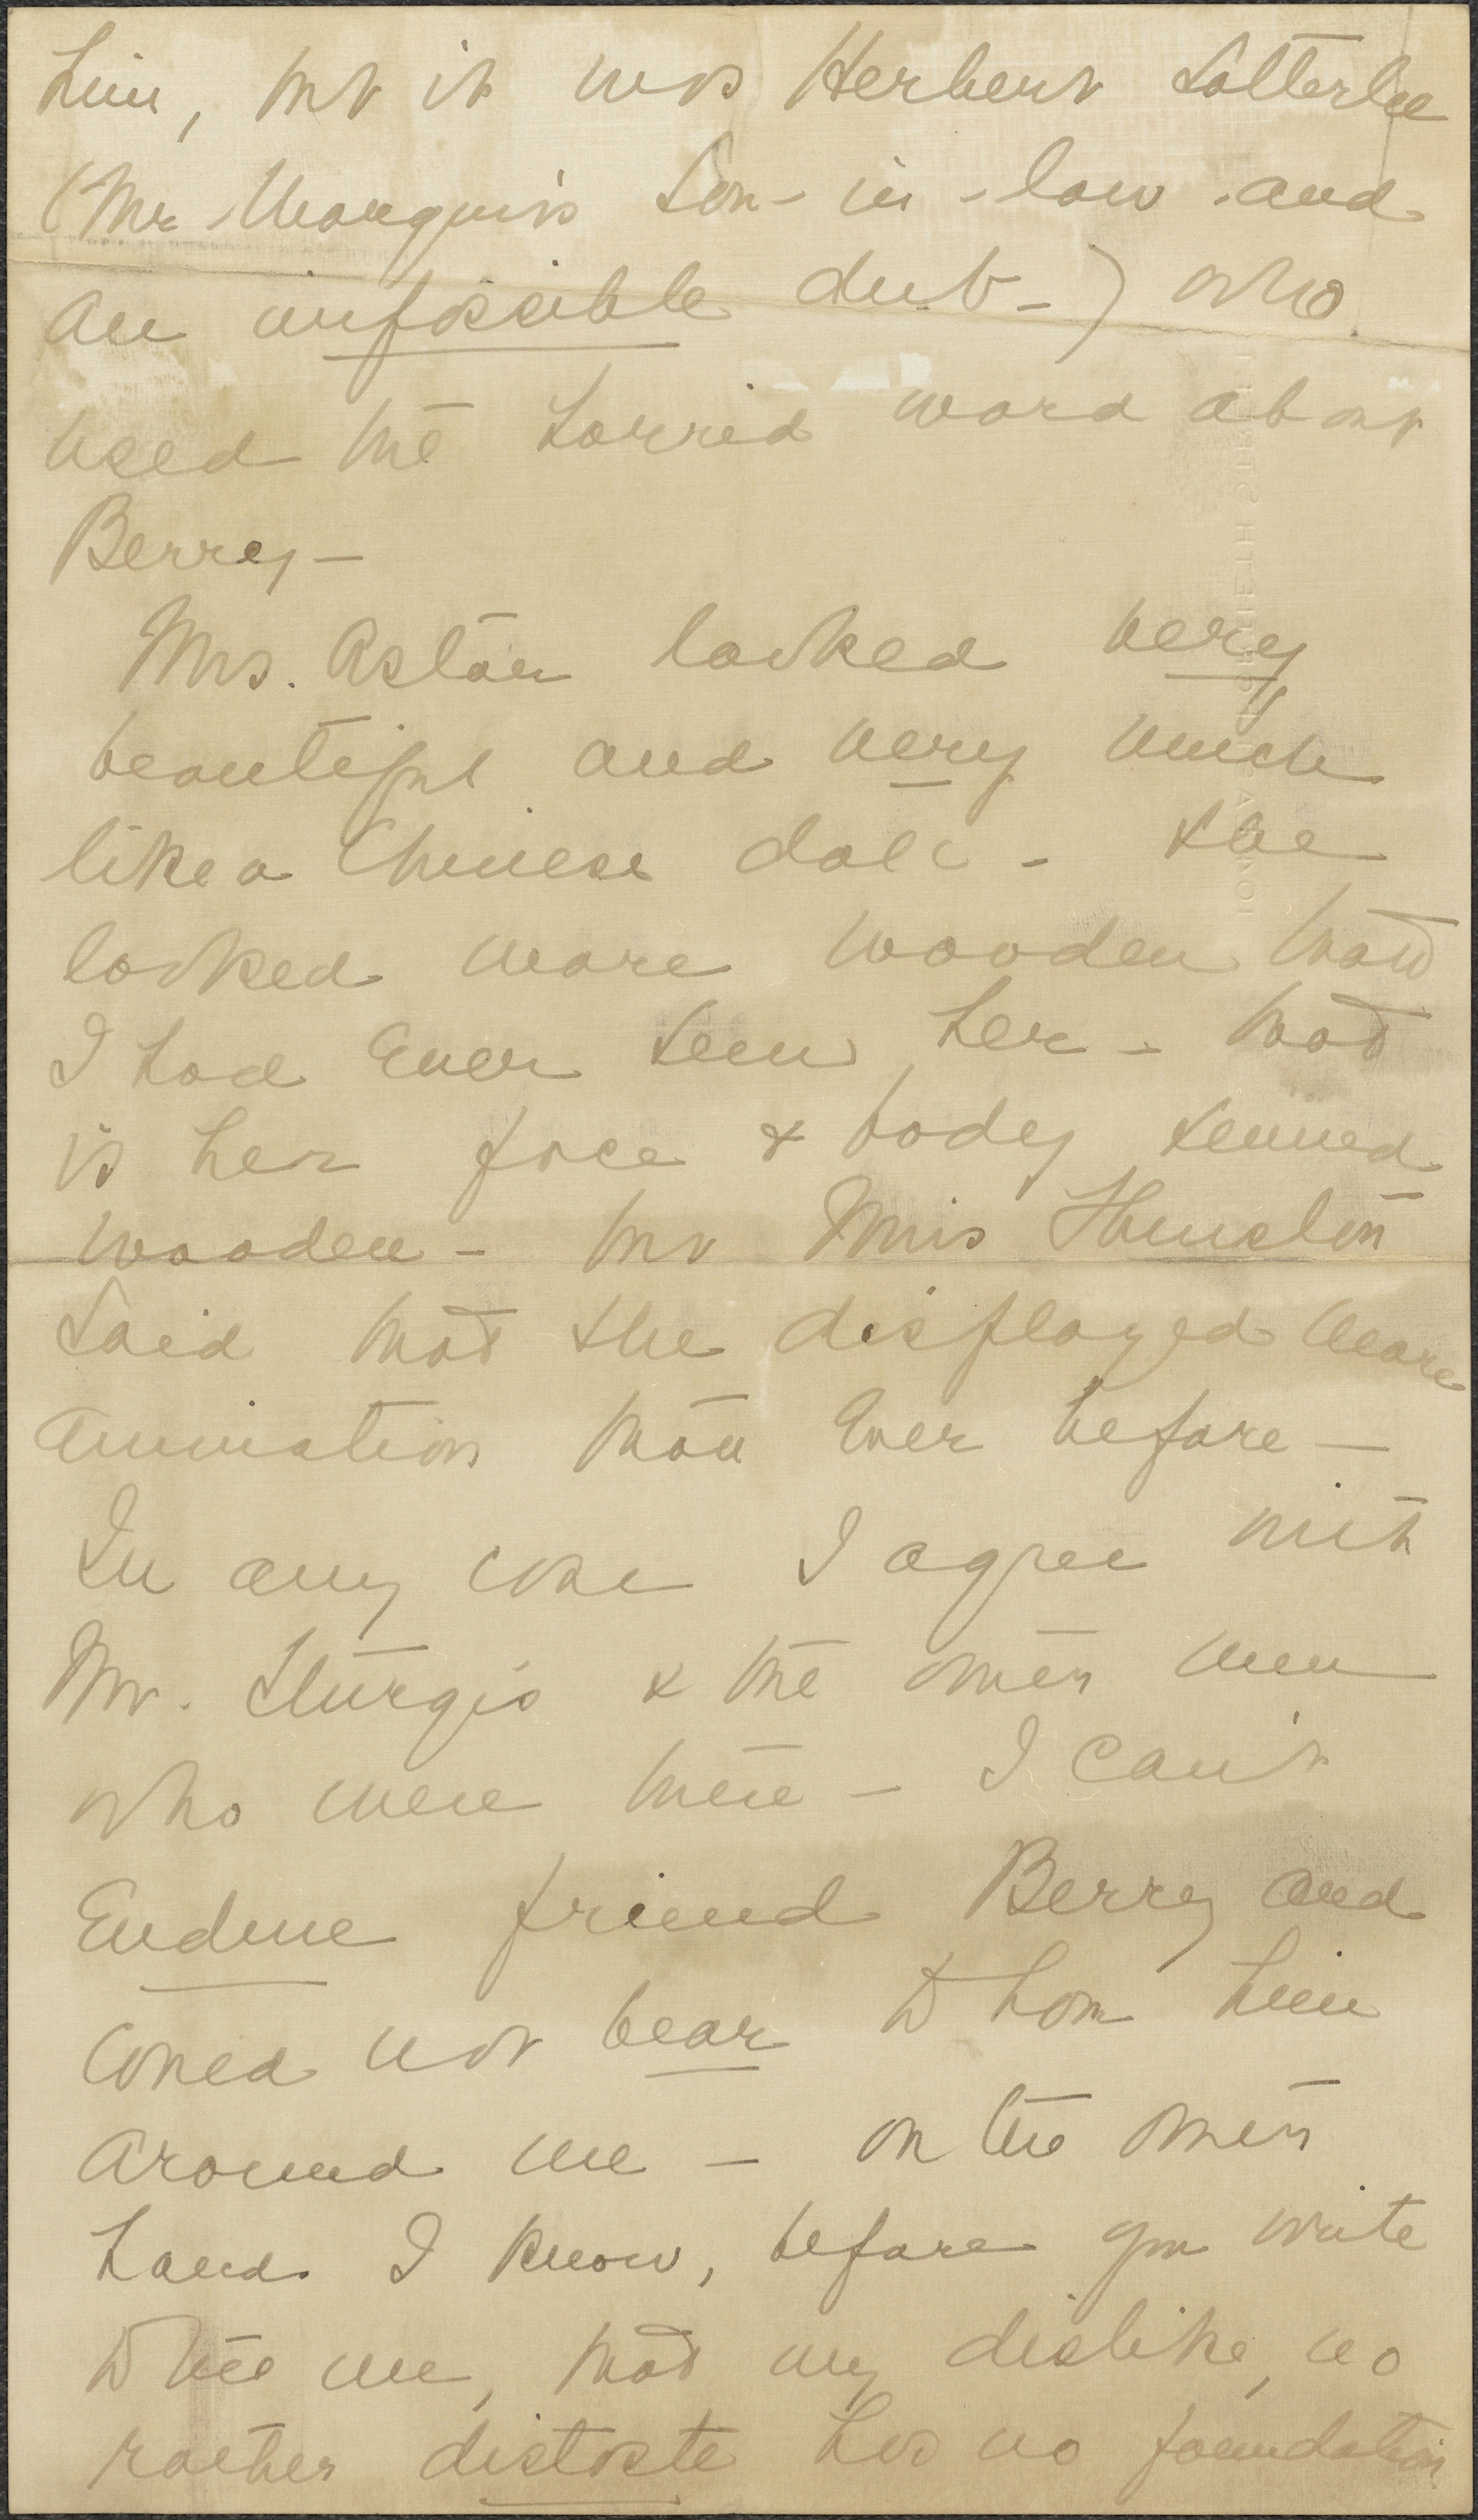him, but it was Herbert Satterlee (The Morgan’s son-in-law – and an impossible dub –) who used the horrid word about Berry –
Mrs. Astor looked very beautiful and very much like a Chinese doll – she looked more wooden than I had ever seen her – that is her face & body seemed wooden – but Miss Thurston said that she displayed more animation than ever before –
In any case I agree with Mr. Sturgis & the other men who were there – I can’t endure friend Berry and could not bear to have him around me – on the other hand I know, before you write to tell me, that my dislike, no rather distaste has no foundation.